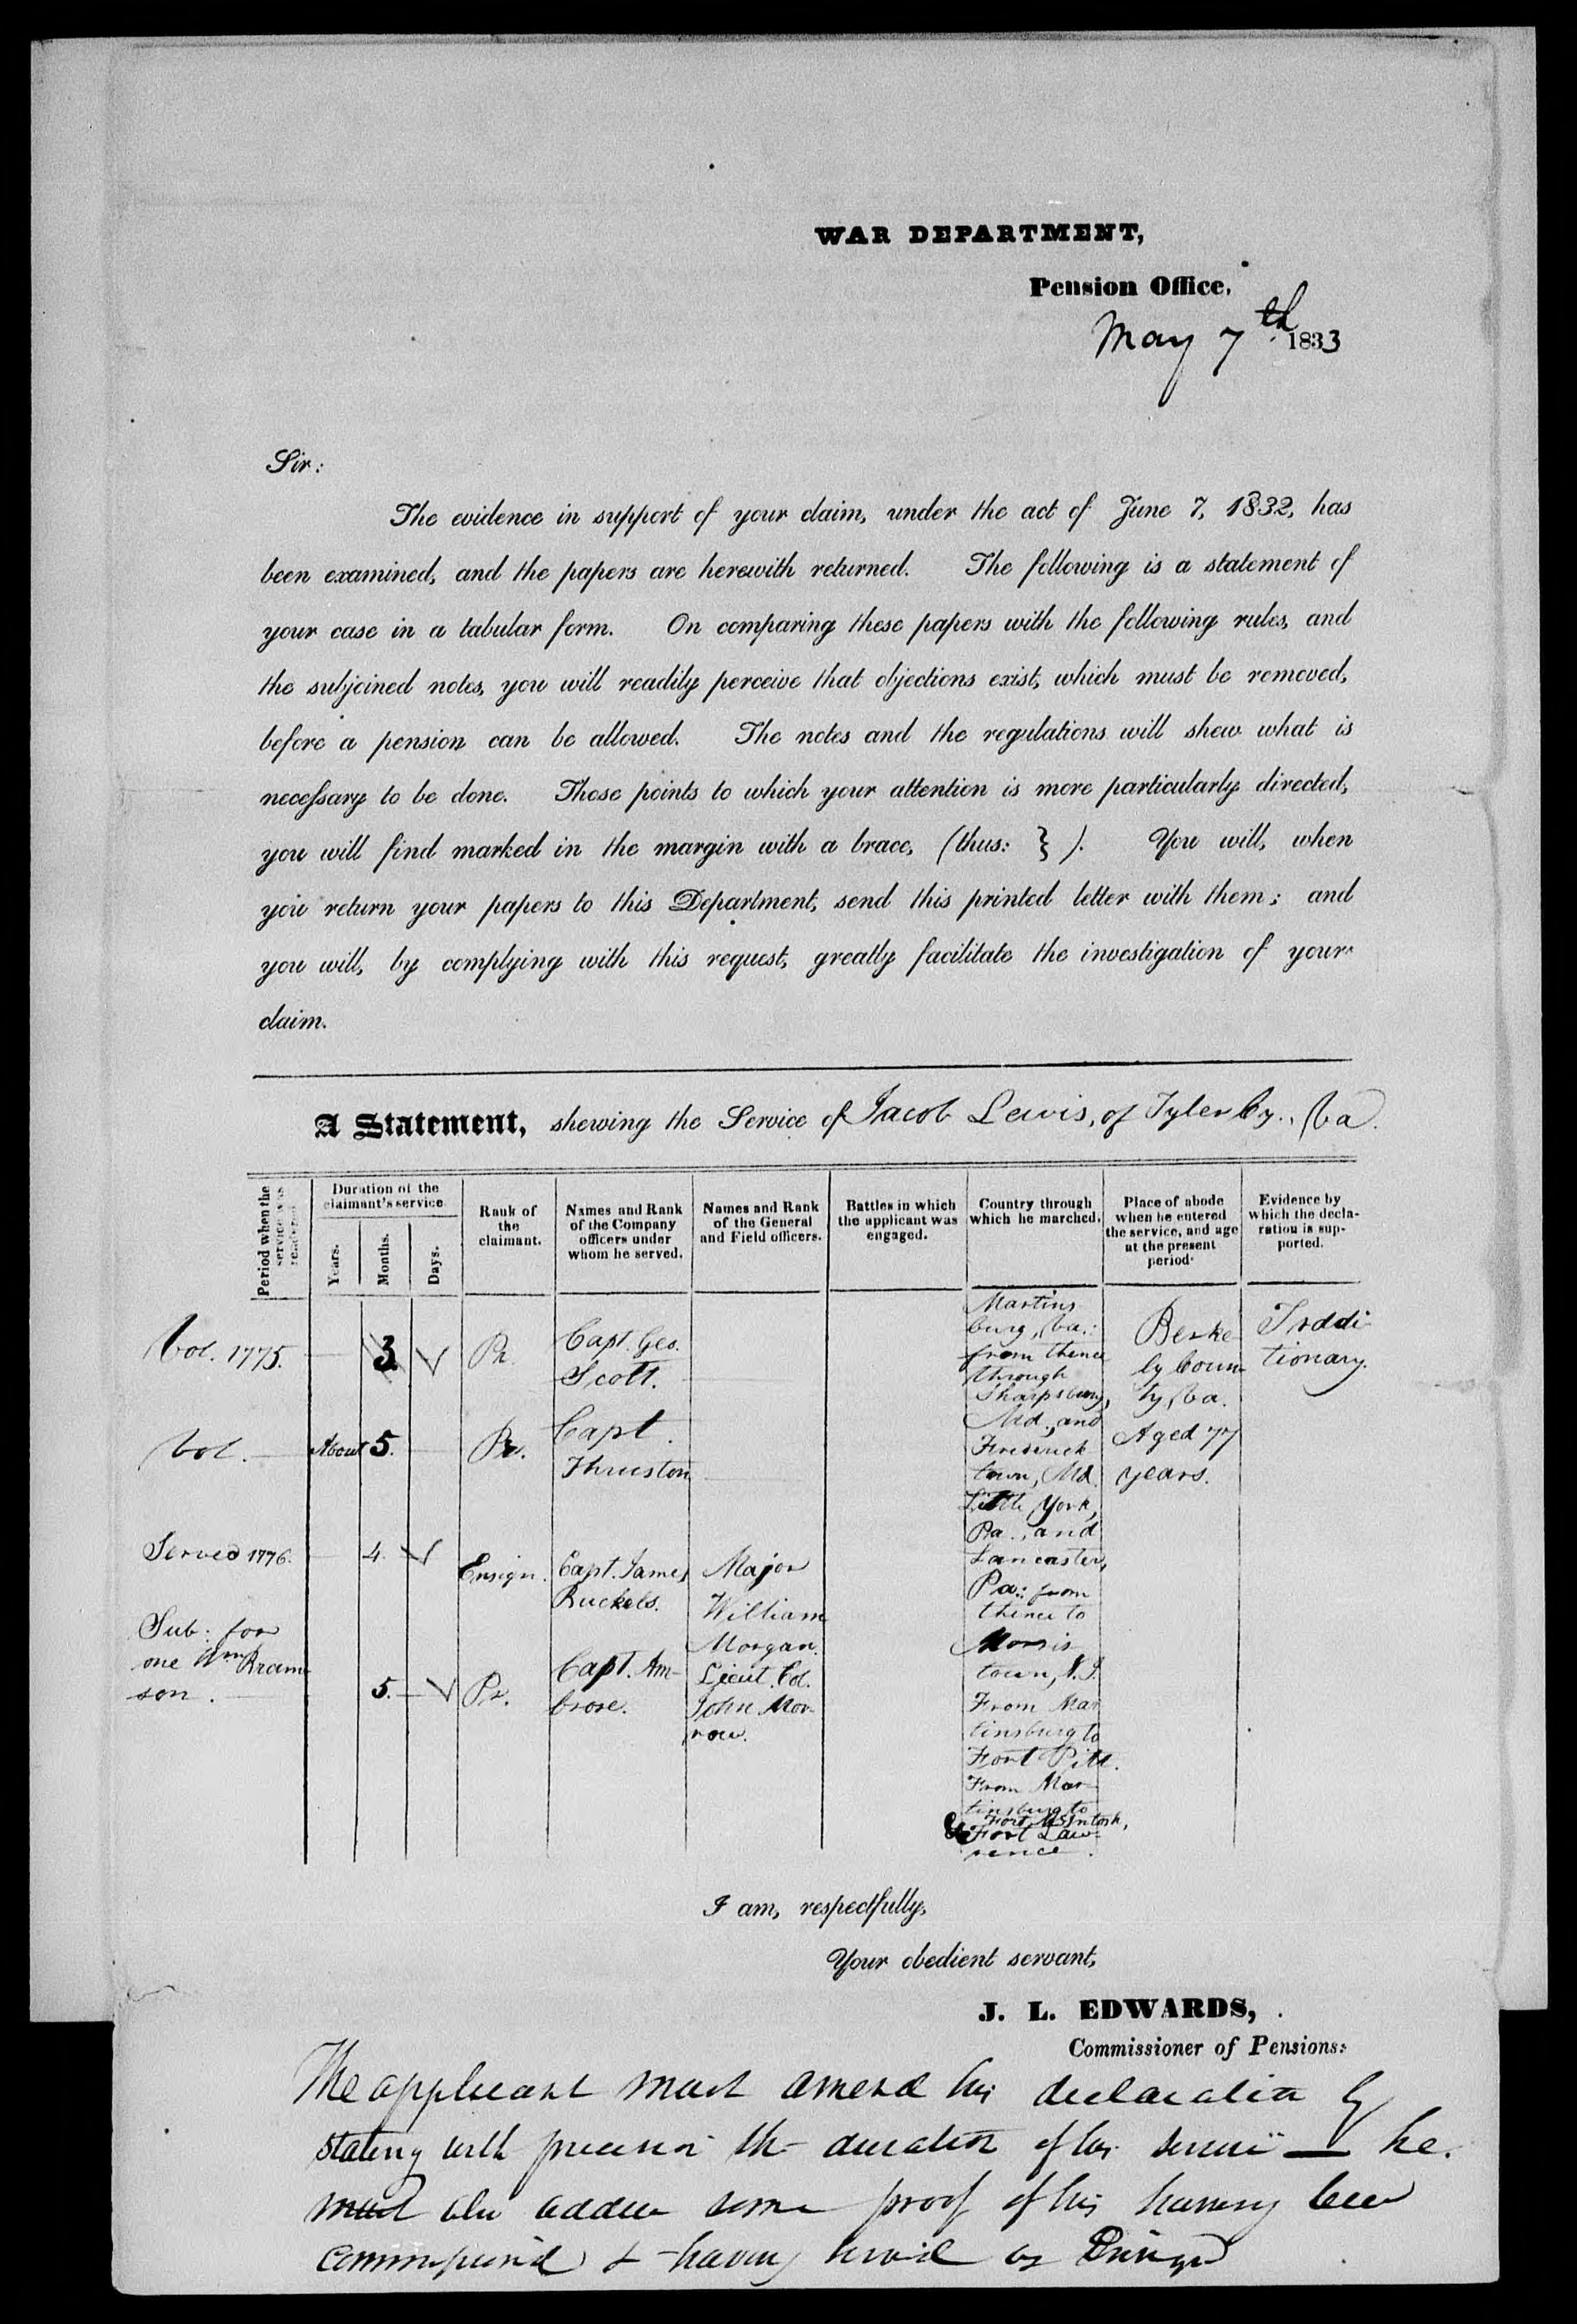WAR DEPARTMENT, 
Pension Office, 
May 7th 1833 
Sir: The evidence in support of your claim, under the act of June 7, 1832, has been examined, and the papers are herewith returned. The following is a statement of your case in a tabular form. On comparing these papers with the following rules, and the subjoined notes, you will readily perceive that objections exist, which must be removed, before a pension can be allowed. The notes and the regulations will shew what is necessary to be done. Those points to which your attention is more particularly directed, you will find marked in the margin with a brace, (thus: }). You will, when you return your papers to this Department, send this printed letter with them; and you will, by complying with this request, greatly facilitate the investigation of your claim 
A Statement, shewing the service of Jacob Lewis, of Tyler Cy. Va. 

Period when the service was rendered
Vol. 1775. 
Vol. 
Served 1776. 
Sub: for one Wm Bramson 

Duration of the claimant's service Years.┃Months.┃ Days.
— | 3 | — [check mark]
— | About 5 | —
— | 4 | — [check mark] 
— | 5. | — [check mark]

Rank of the claimant. 
Pr.
Pr. 
Ensign. 
Pr. 

Names and Rank of the Company officers under whom he served.  
Capt. Geo. Scott 
Capt. Thurston
Capt. James Buckels
Capt. Ambrose. 

Names and Rank of the General and Field officers. 
—
—
Major William Morgan 
Lieut Col. John Morrow

Battles in which the applicant was engaged. 

Country through which he marched. 
Martinsburg, Va: from thence through Sharpsburg, Md., and Fredericktown, Md. 
Little York, Pa., and Lancaster, Pa. from thence to Morristown N.J. From Martinsburg to Fort Pitt. from Martinsburg to Fort McIntosh, & Fort Lawrence 

Place of abode when he entered the service, and age at the present period.
Berkely County, Va Aged 77 years. 

Evidence by which the declaration is supported.  Traditionary 

I am, respectfully, 
Your obedient servant, 
J. L. EDWARDS, Commissioner of Pensions 

The applicant must amend his declaration stating with precision the duration of his service "__ & he must also add[  ] some proof of his having been commissioned & having [   ] by [illegible]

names: James Buckels; Geo Scott; [BLANK] Ambrose; J L Edwards; [BLANK] Thruston; Jacob Lewis; John Morrow; William Morgan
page: 17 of 69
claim: widow's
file: W 8044, for Jacob Lewis, Virginia